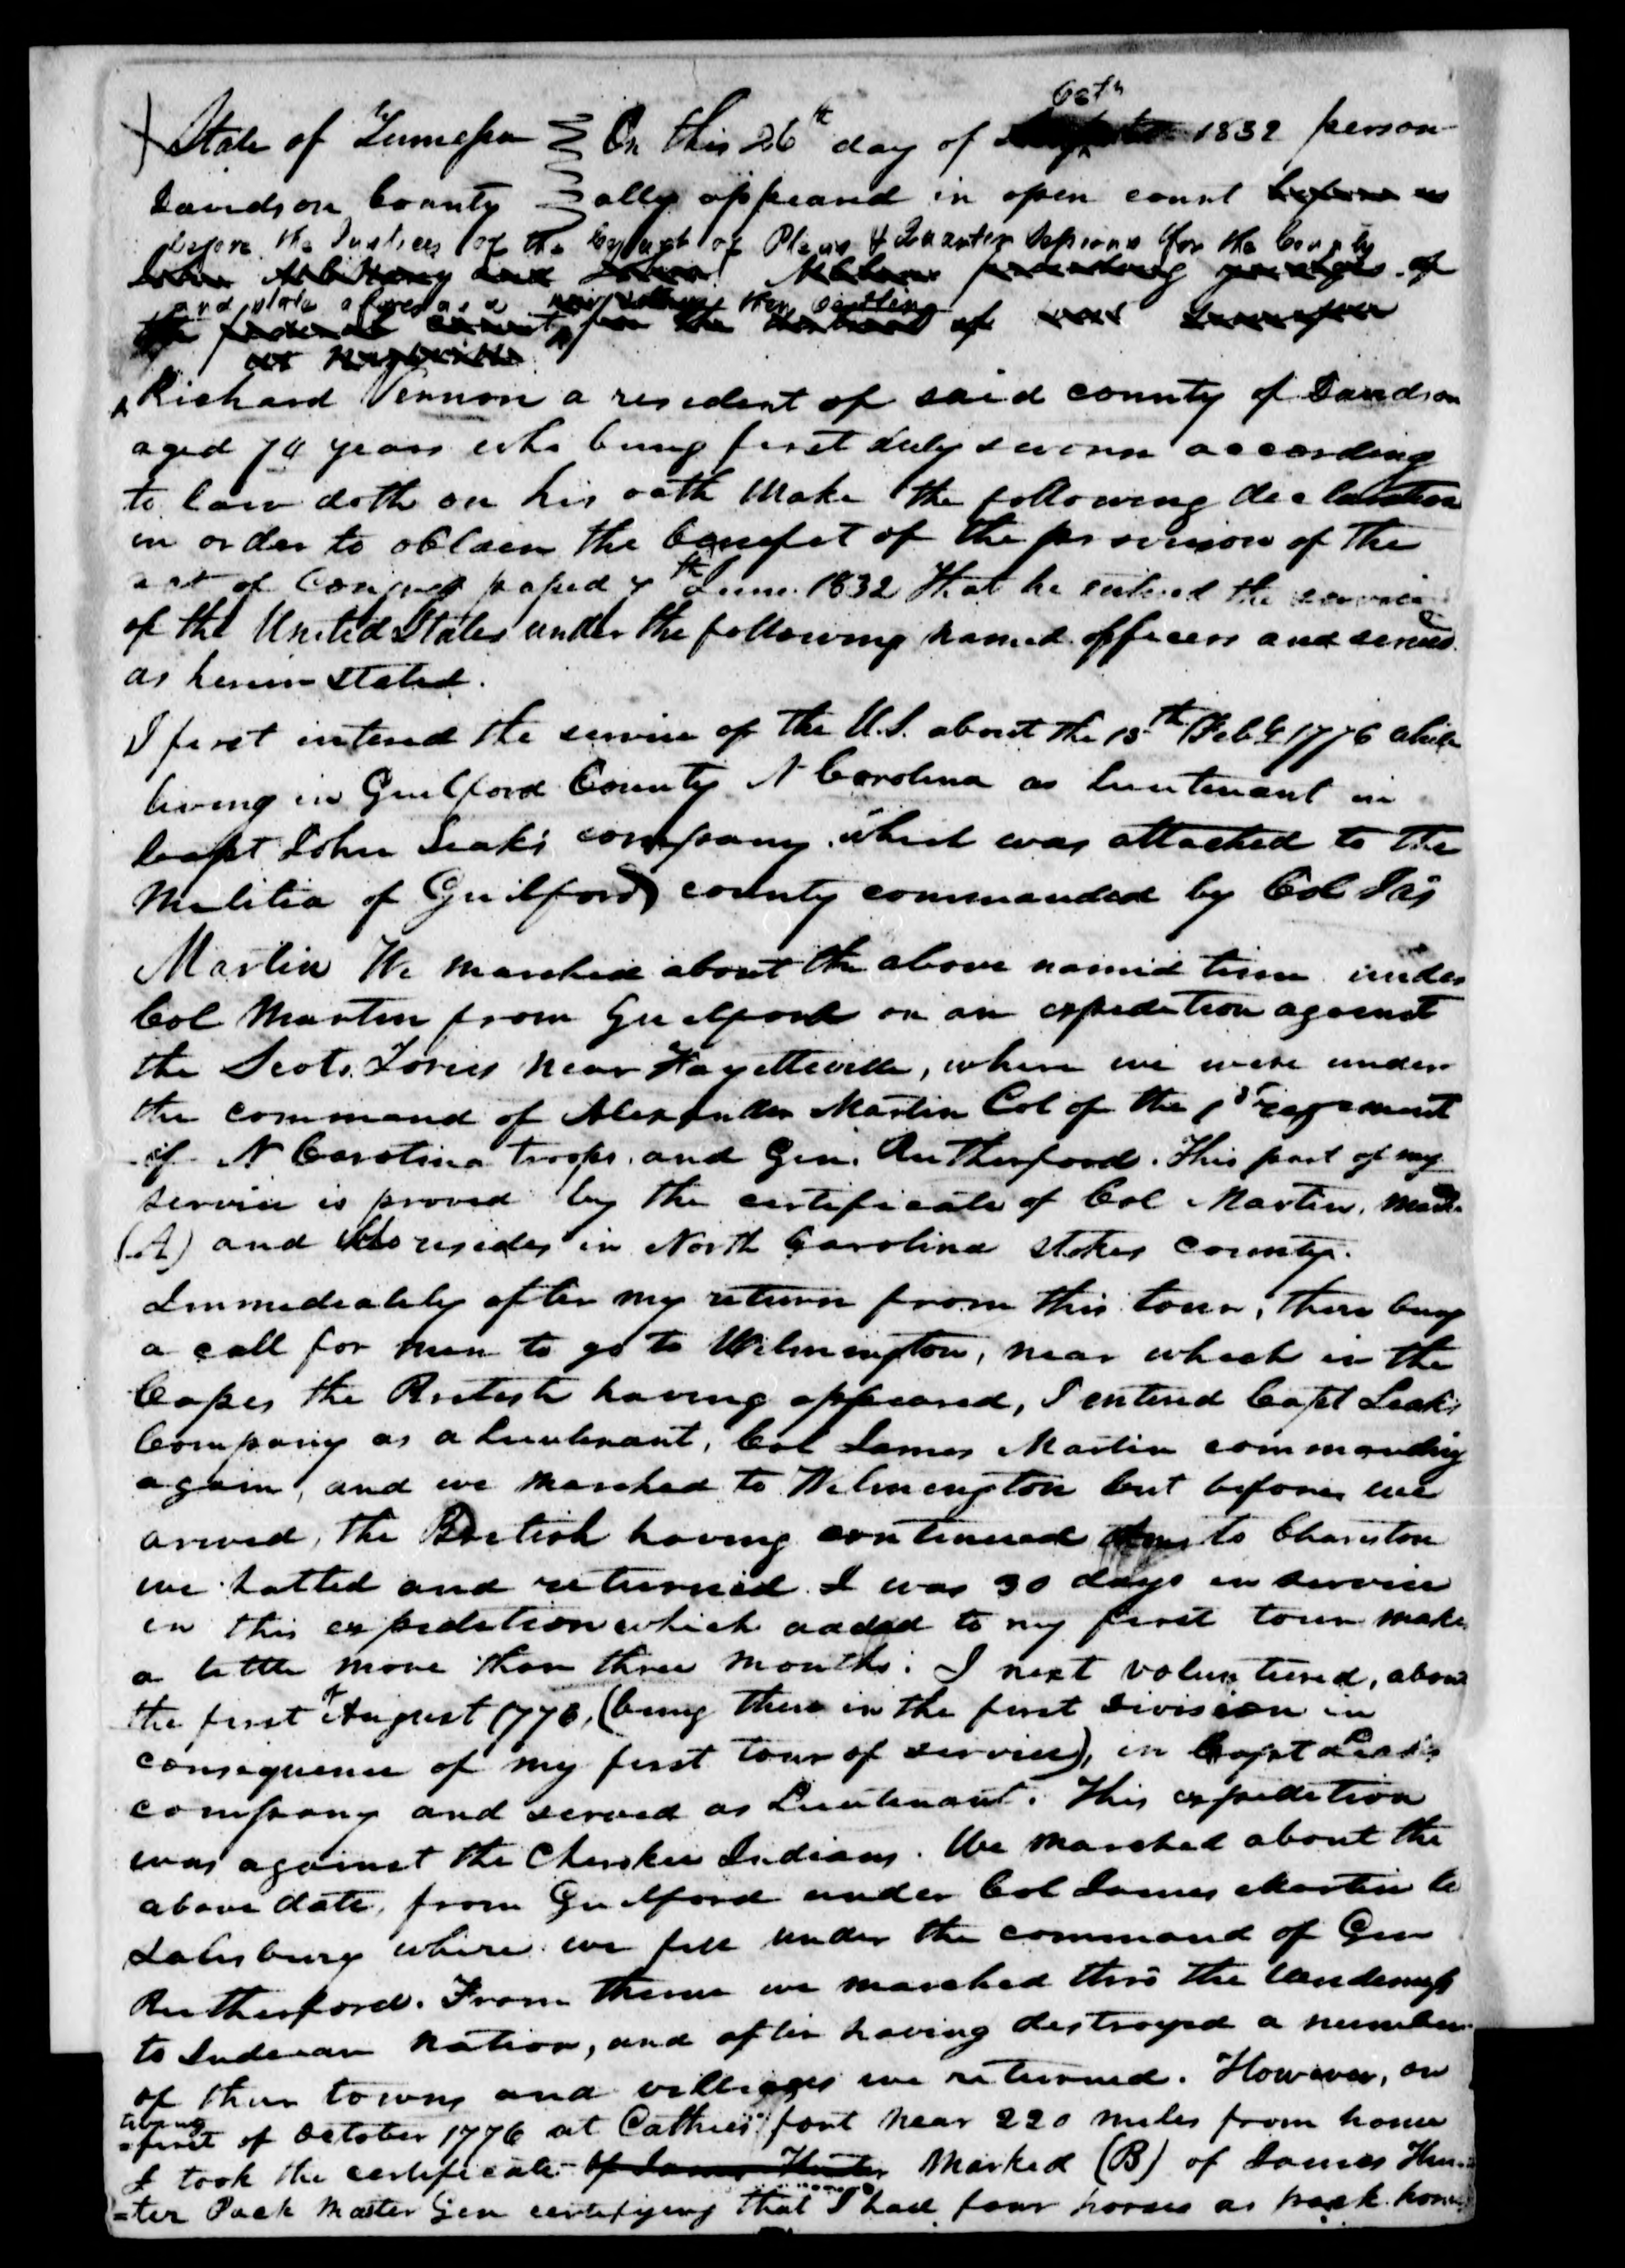State of Tennessee}
Davidson County}
On the 26th day of October, 1832, personally appeared in open court before the Justices of the Court of Pleas & Quarter Sessions in the County & State aforesaid, Richard Vernon a resident of said County of Davidson aged 74 years who being first duly sworn according to law doth on his oath make the following declaration in order to obtain the benefit of the provision of the act of Congress passed 7th June, 1832. That he entered the service of the United States under the following named officers and served as herein stated. I first entered the service of the U. S. about the 15th  February 1776, while living in Guilford County, N Carolina as a Lieutenant in Capt. John Leak’s command which was attached to the militia of Guilford County commanded by Col. Jas Martin. We marched about the above named time under Col. Martin from Guilford in an operation against the Scots Tories near Fayetteville, where we were under the command of Alexander Martin Col. of the 1st regiment of N Carolina troops and Gen. Rutherford. This part of my service is proved by the certificate of Col. Martin, marked (A) and who resides in N Carolina, Stokes County. Immediately after my return from this tour, there being a call for men to go to Wilmington, near which in the Capes the British having appeared, I entered Capt. Leak’s company as a Lieutenant, Col. James Martin commanding again and we marched to Wilmington but before we arrived, the British having continued to Charleston we halted and returned. I was 30 days in service in this expedition which added to my first tour making a little more than three months. I next volunteered about the first of August 1776, (being then in the first Division in consequence of my first tour of service), in Capt. Leak’s company and served as Lieutenant. This expedition was against the Cherokee Indians. We marched about the above date from Guilford under Col. James Martin to Salisbury where we fell under the command of Gen. Rutherford. From thence we marched through the country to Indian Nation, and after having destroyed a number of their towns and villages we returned. However, on twenty first of October, 1776, at Cathie’s Fort near 220 miles from home I took the certificate marked (B) of James Hunter Pack Master Gen. certifying that I have four horses as pack horses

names: Rutherford, James Hunter, James Martin, Rutherford, Alexander Martin, Martin, Martin, Richard Vernon, John Mc Justien, Jas Martin, John Miller, James Martin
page: 7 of 105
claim: survivor's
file: S. 1883, Richard Vernon, N.C.